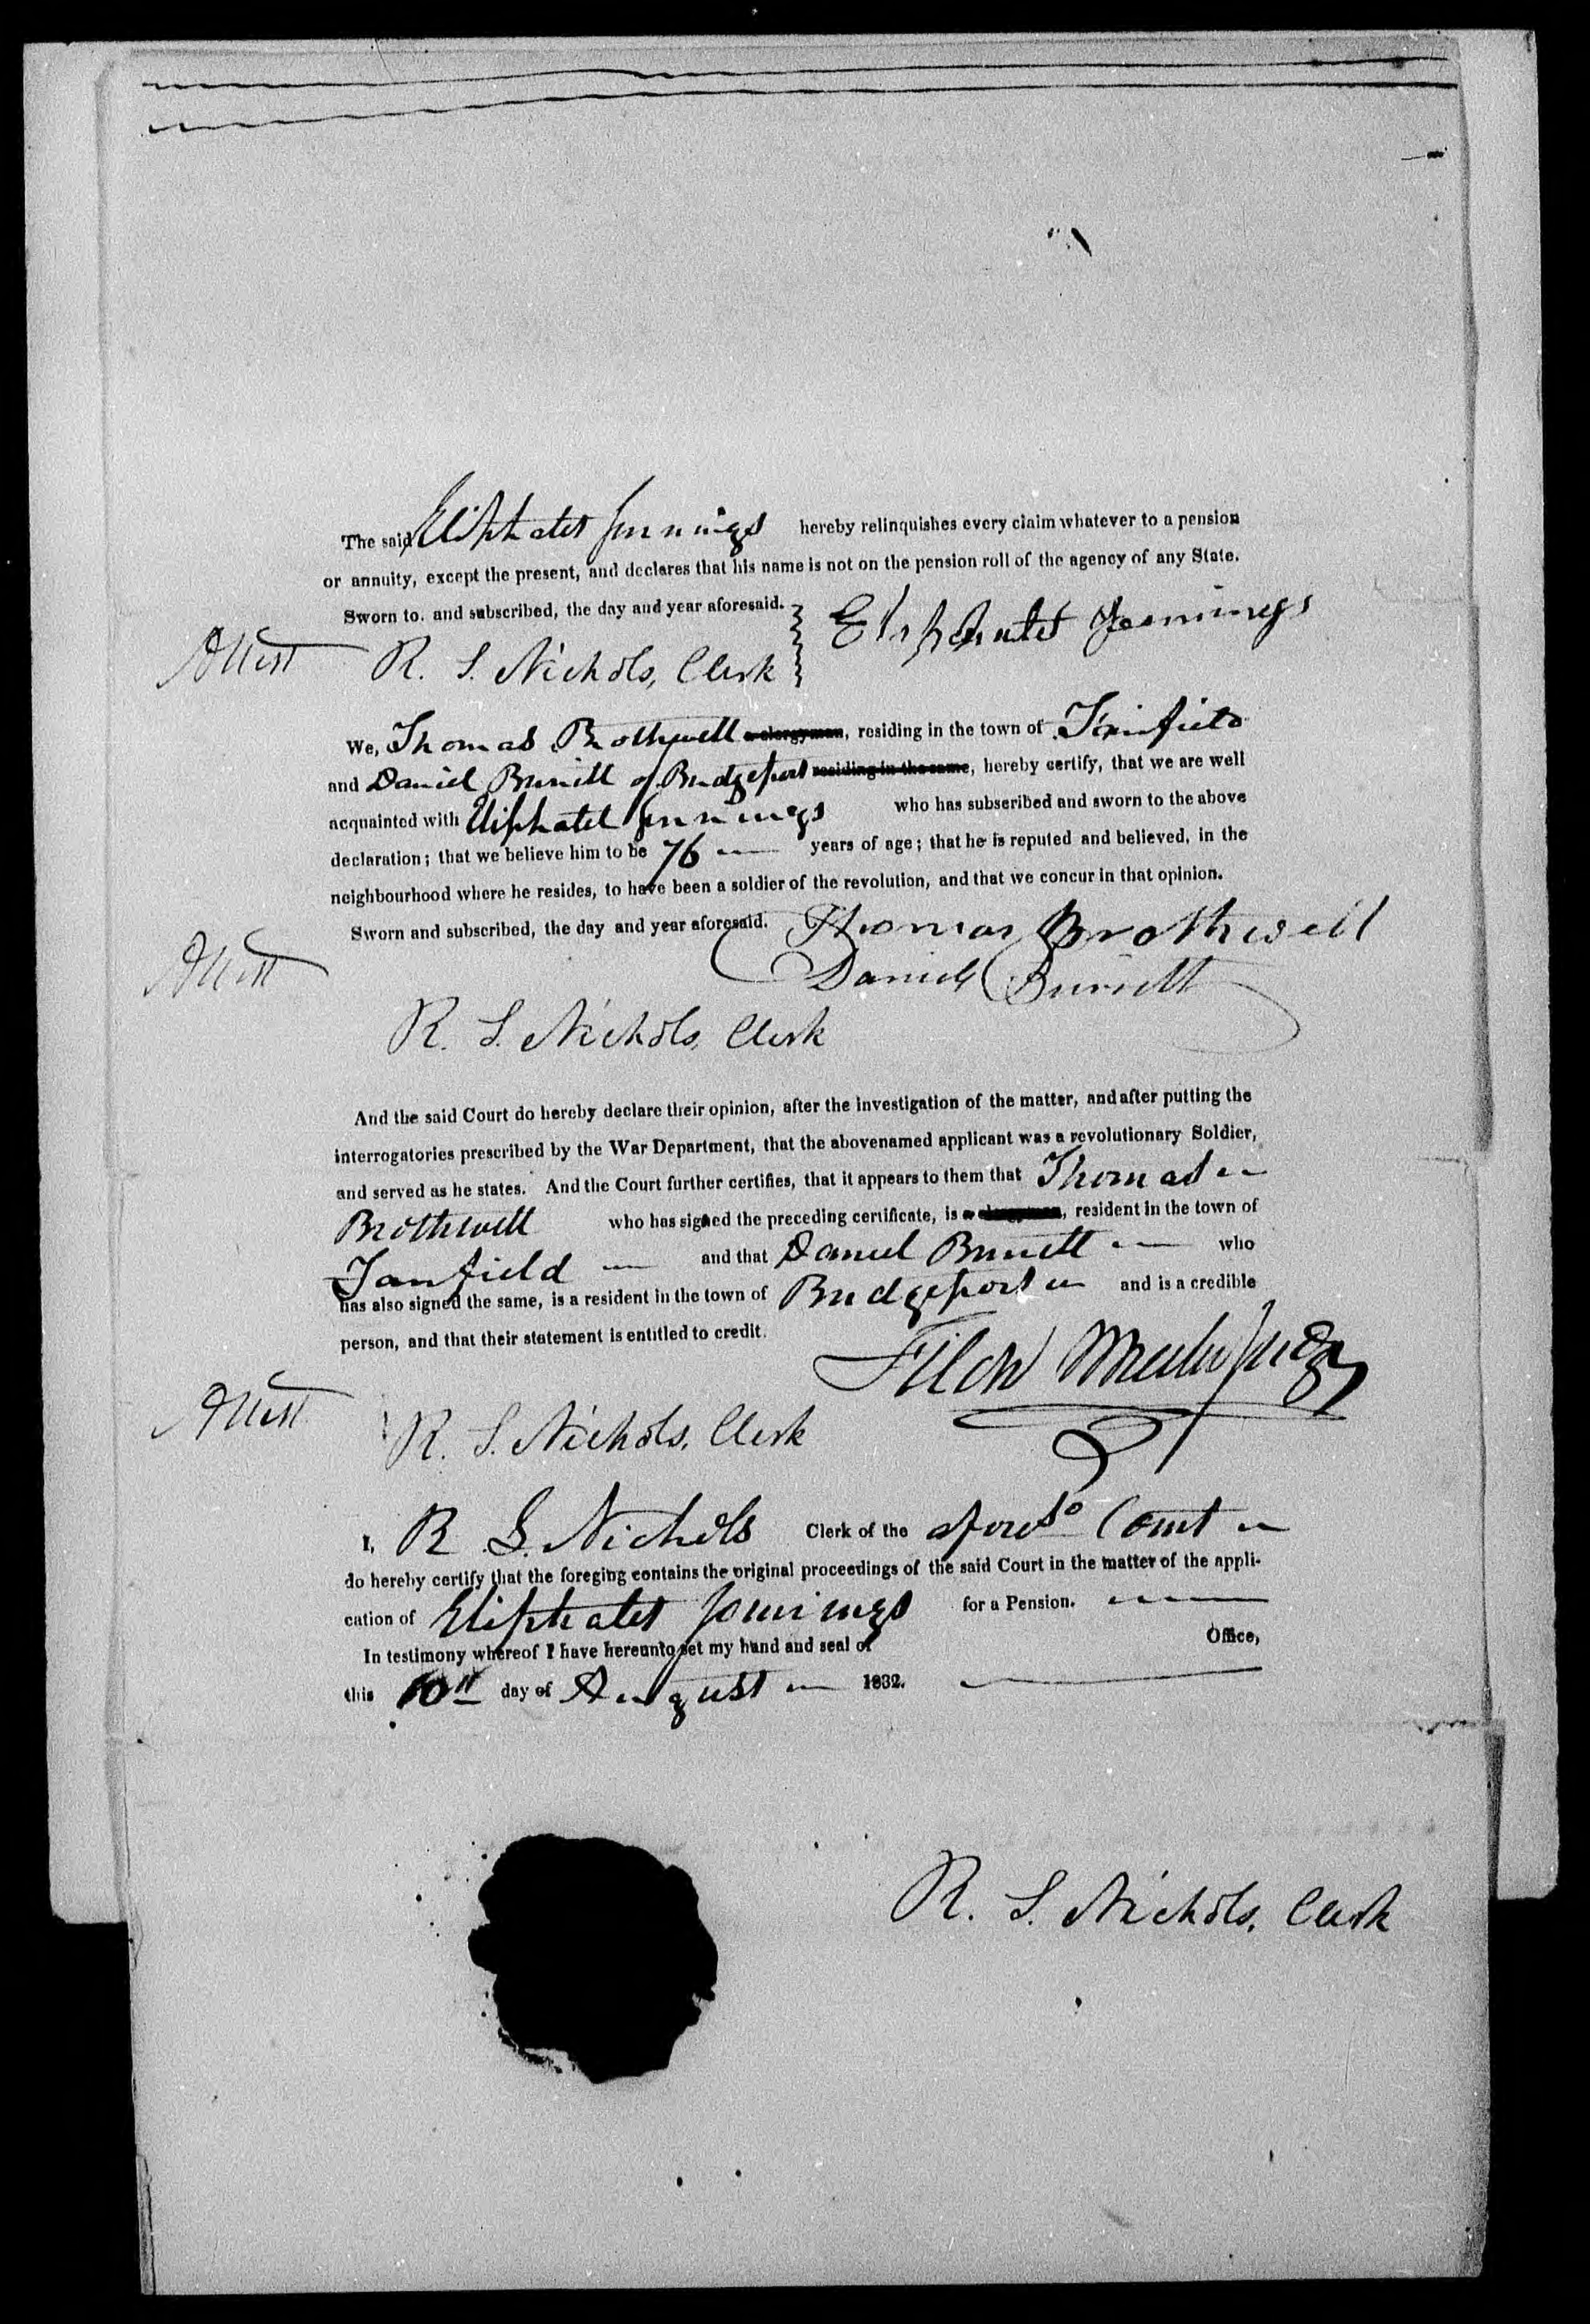The said Eliphalet Jennings hereby relinquishes every claim whatever to a pension or annuity, except the present, and declares that his name is not on the pension roll of the agency of any State.

Sworn to, and subscribed, the day and year aforesaid.
Eliphalet Jennings

Attest    R. S. Nichols, Clerk

We, Thomas Brothwell ["a clergyman" stricken out"], residing in the town of Fairfield and Daniel Burill of Bridgeport ["residing in the same" stricken out], hereby certify, that we are well acquainted with Eliphalet Jennings who has subscribed and sworn to the above declaration; that we believe him to be 76 years of age; that he is reputed and believed, in the neighbourhood where he resides, to have been a soldier of the revolution, and that we concur in that opinion.

Sworn and subscribed, the day and year aforesaid.
Thomas Brothwell
Daniel Burill

Attest  R.S. Nichols Clerk

And the said Court do hereby declare their opinion, after the investigation of the matter, and after putting the interrogatories prescribed by the War Department, that the abovenamed applicant was a revolutionary Soldier, and served as he states.  And the Court further certifies, that it appears to them that Thomas Brothwell who has signed the preceding certificate, is a ["clergyman" stricken out] resident in the town of Fairfield and that Daniel Burill who has also signed the same, is a resident in the town of Bridgeport and is a credible person, and that their statement is entitled to credit.
Fitch Wheeler Judge

Attest  R.S. Nichols, Clerk

I, R.S. Nichols Clerk of the aforesd. Court do hereby certify that the foregoing contains the original proceedings of the said Court in the matter of the application of Eliphalet Jennings for a Pension.

In testimony whereof I have hereunto set my hand and seal of Office, this 10th day of August 1832.
R.S. Nichols, Clerk

[Solid black seal affixed to the left of the above signature--nothing legible in it]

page: 10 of 10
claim: survivor's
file: S. 18468, for Eliphalet Jennings, Connecticut